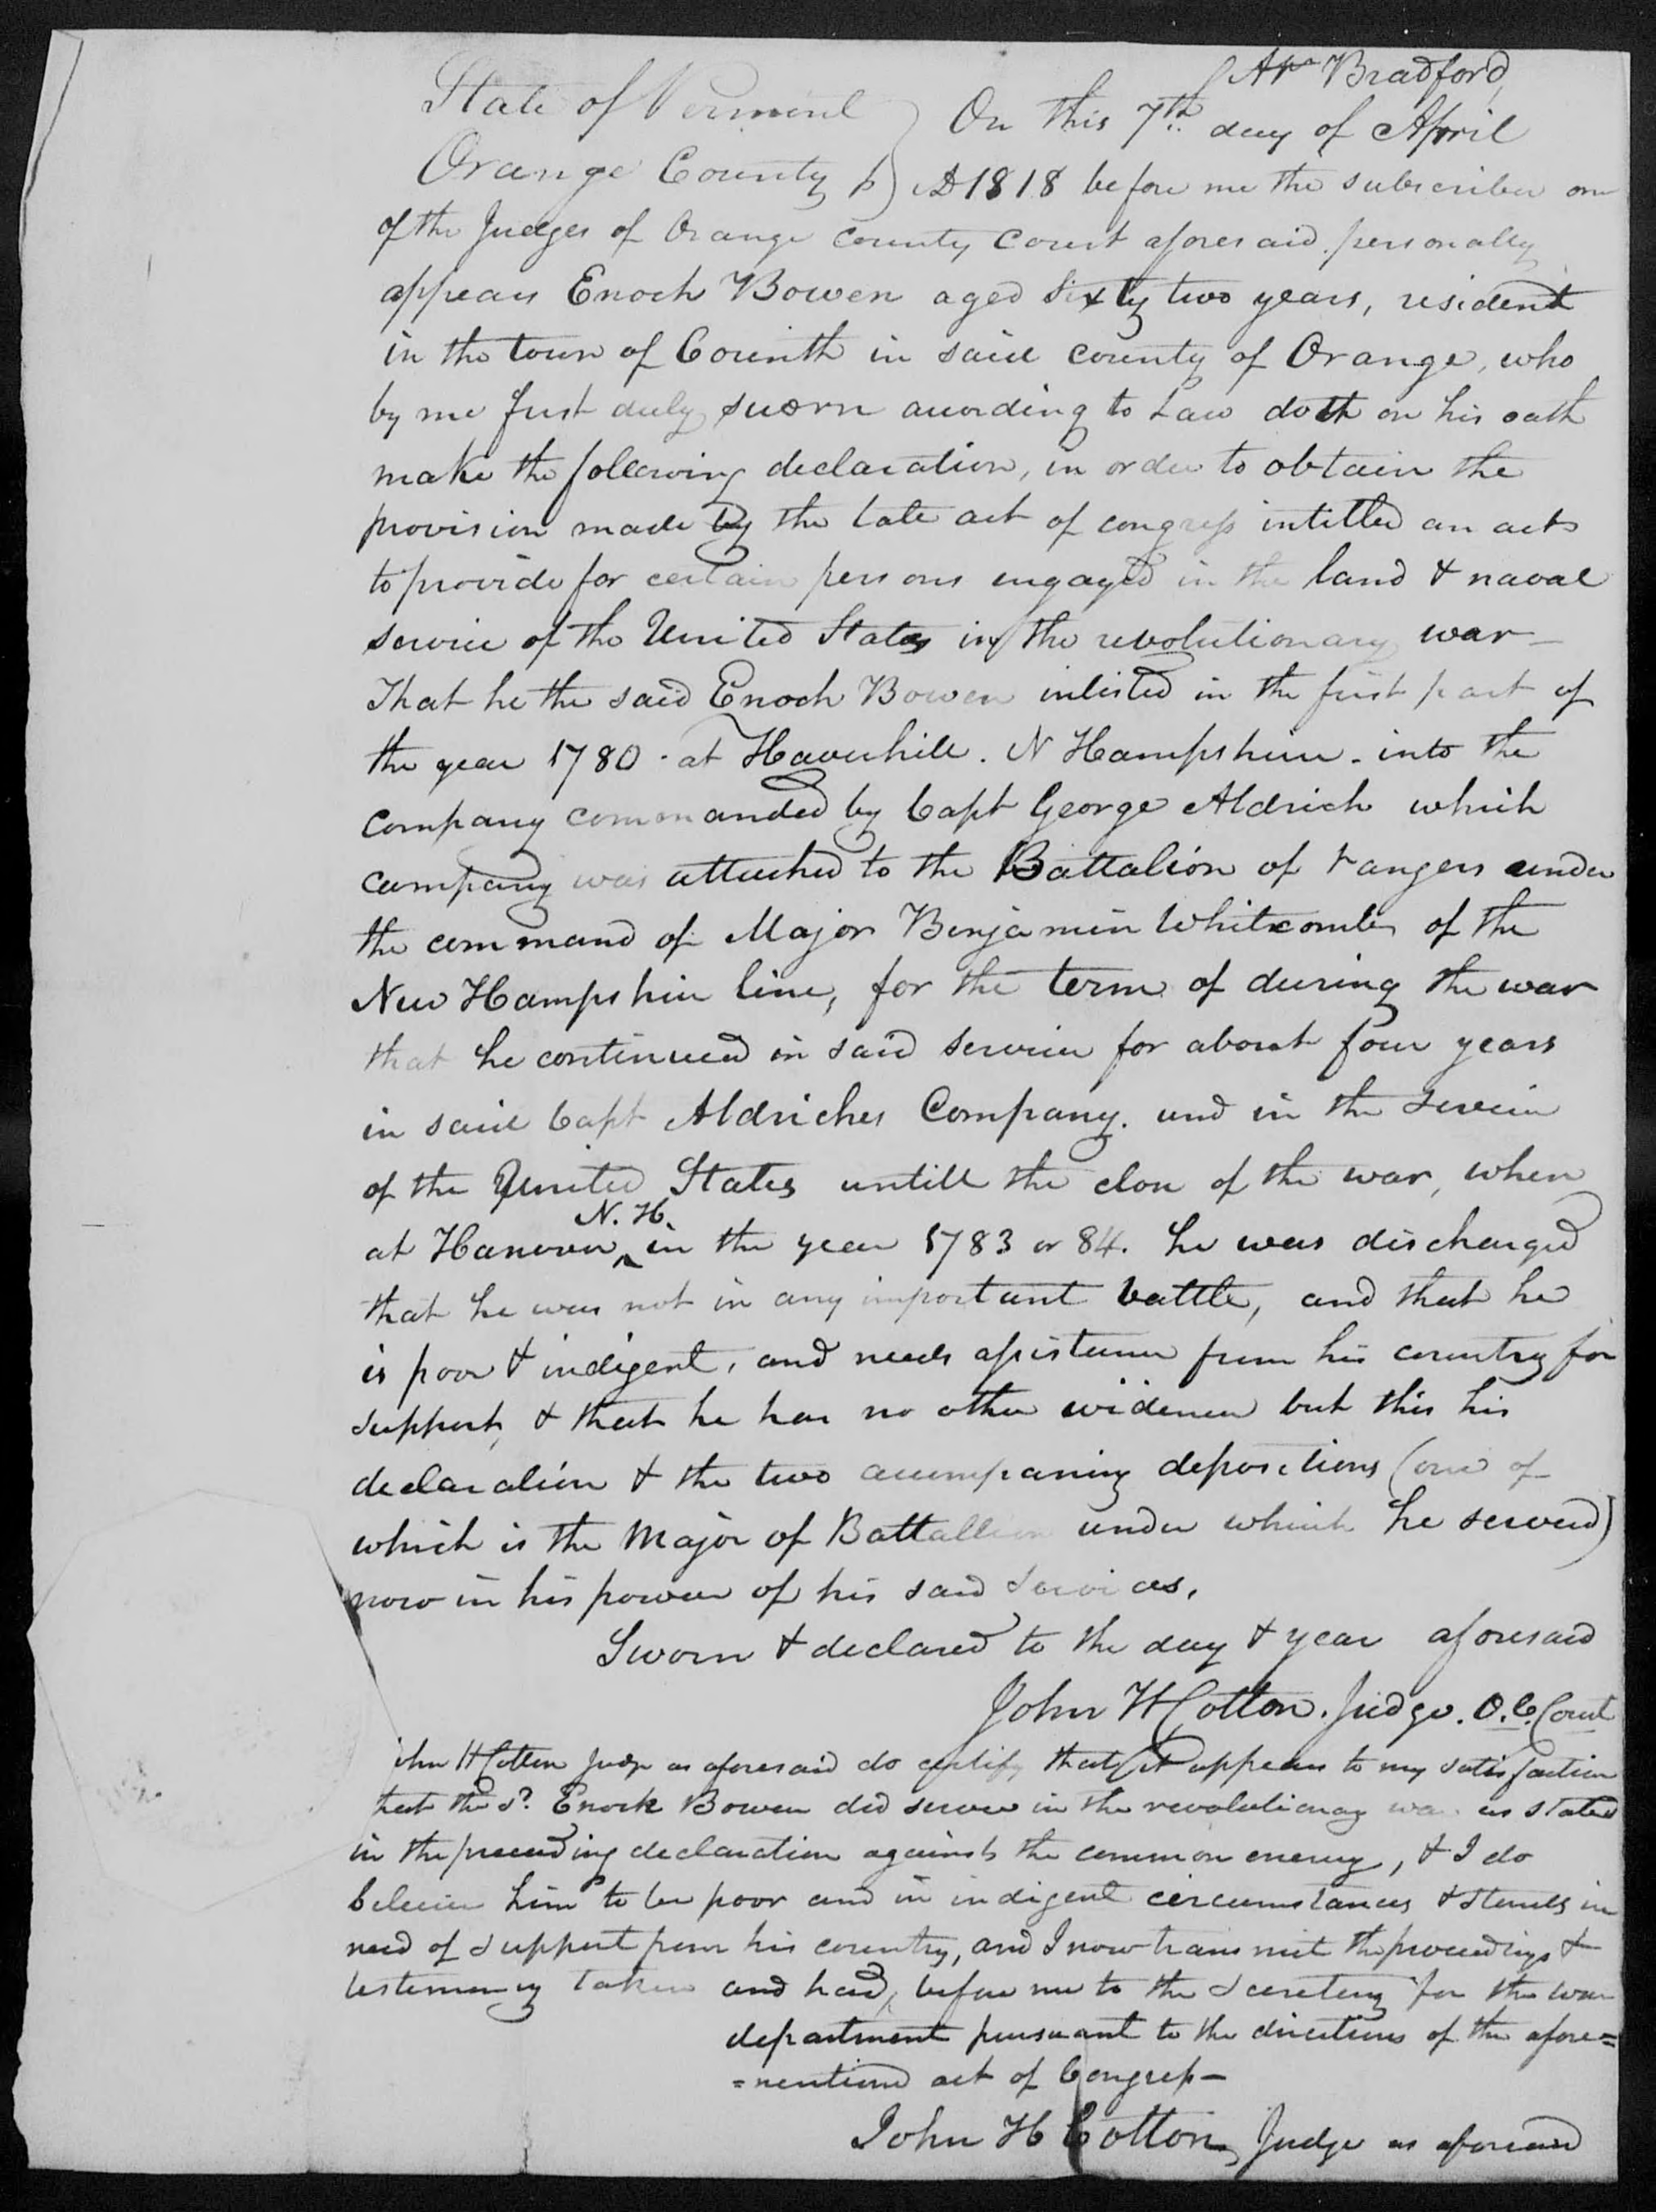State of Vermont
Orange County  AD 1818 
On this 7th day of April
before me Apr Bradford the subscribed one
of the Judges of Orange County Court aforesaid personally
appears Enoch Bowen aged Sixty two years, resident
in the town of Corinth in said County of Orange, who
by me first duly sworn according to Law doth on his oath
make the following declaration, in order to obtain the
provision made by the late act of congress entitled an act
to provide for certain persons engaged in the land & naval
service of the United States in the revolutionary war
That he the said Enoch Bowen enlisted in the first part of
the year 1780 at Haverhill, N Hampshire into the
company commanded by Capt George Aldrich which
company was attached to the Battalion of Rangers under the
command of Major Benjamin Whitcomb of the
New Hampshire line, for the term of during the war
that he continued in said service for about four years
in said Capt Aldriches Company, and in the service
of the United States untill the close of the war, when
N. H.
at Hanover in the year 1783 or 84. he was discharged
that he was not in any important battle, and that he
is poor & indigent, and needs assistance from his country for
support & that he has no other evidence but this his
declaration & the two accompaning depositions (one of
which is the Major of Battalion under which he served
now in his power of his said services,
Sworn & declared to the day & year aforesaid
[signature] John H Cotton, Judge. O. C. Court

John H Cotton Judge as aforesaid do certify that it appears to my satisfaction 
that the sd Enock Bowen did serve in the revolutionary war as stated
in the preceeding declaration against the common enemy, & I do
believe him to be poor and in indigent circumstances & stands in
need of support from his country, and I now transmit the proceedings &
testimony taken and had before me to the writing for the war
department pursuant to the directions of the afore
mentioned act of Congress-
[signature] John H Cotton Judge as aforesaid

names: Enoch Bowen, John H Cotton, Benjamin Whitcomb, Enoch Bowen, Enoch Bowen, John H Cotton, George Aldrich, John W Cotton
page: 4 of 11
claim: survivor's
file: S. 41,453, Enoch Bowen, N.H.